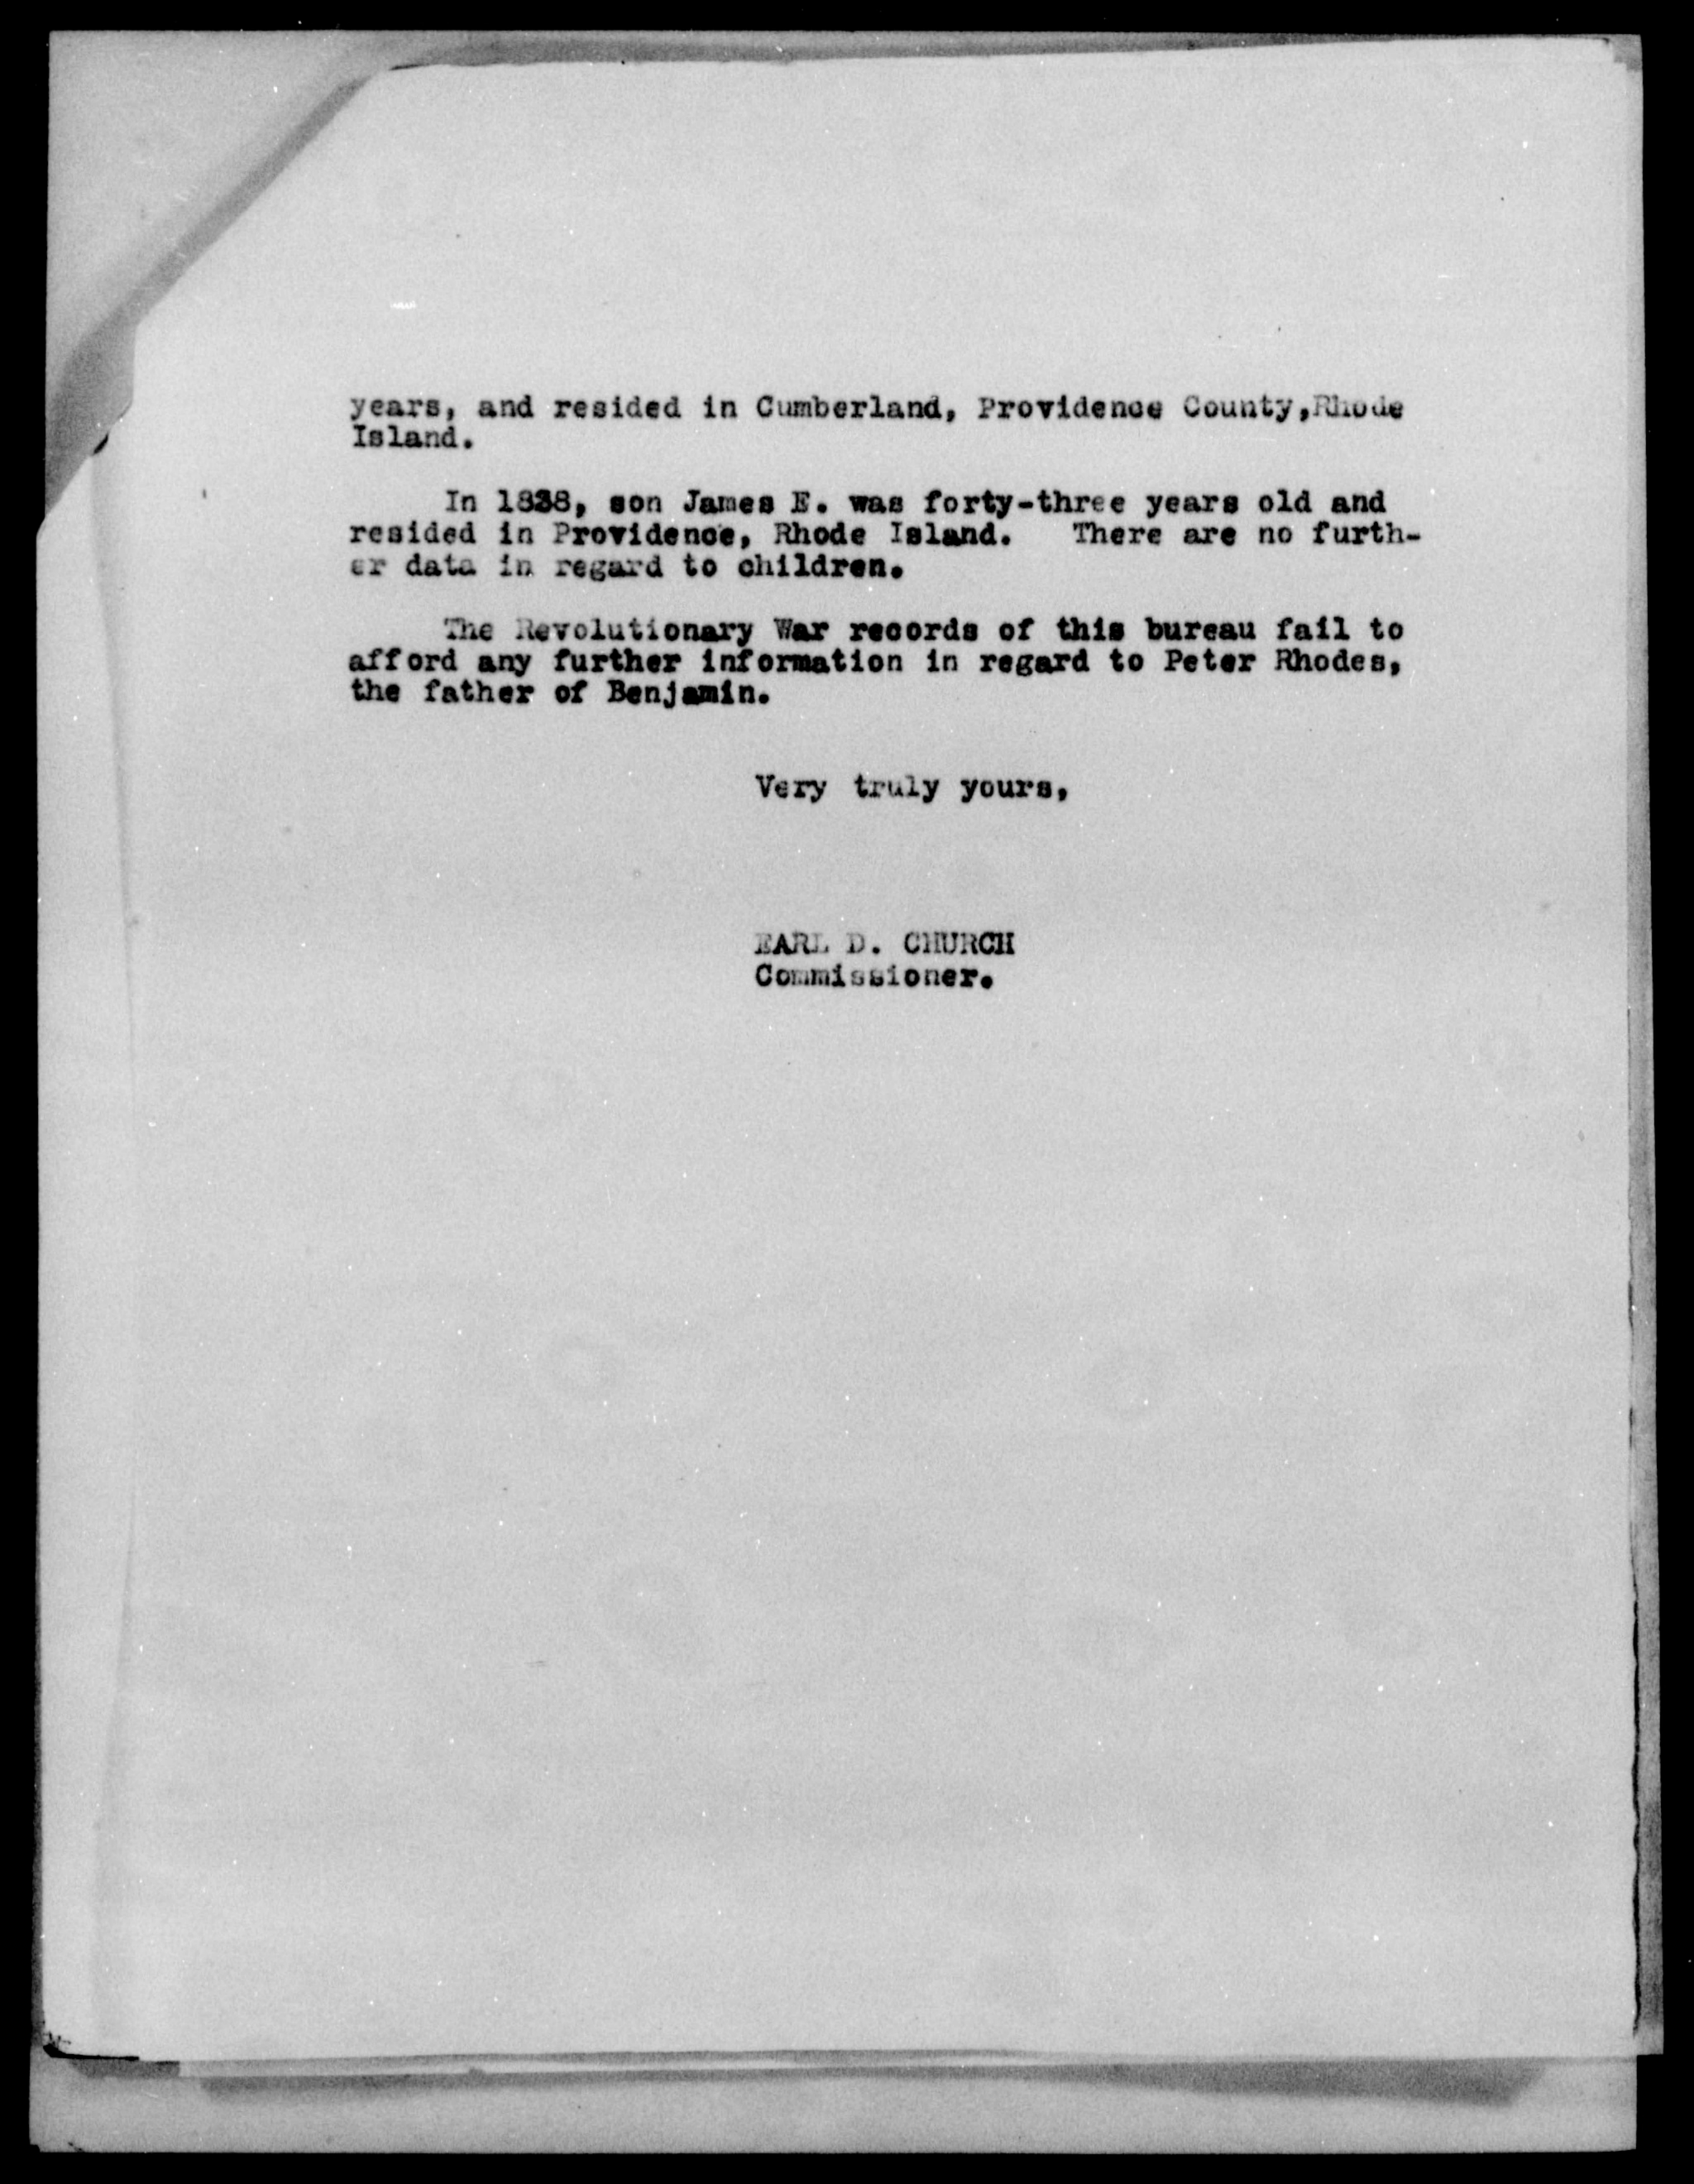years, and resided in Cumberland, Providence County, Rhode Island.
In 1828, son James E. was forty-three years old and resided in Providence, Rhode Island. There are no further data in regard to children.
The Revolutionary War records of this bureau fail to afford any further information in regard to Peter Rhodes, the father of Benjamin.
Very truly yours,
EARL D. CHURCH
Commissioner.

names: James E [BLANK]; Benjamin [BLANK]; Peter Rhodes; Earl D Church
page: 24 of 50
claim: widow's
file: W. 22058, for Benjamin Rhodes, Rhode Island